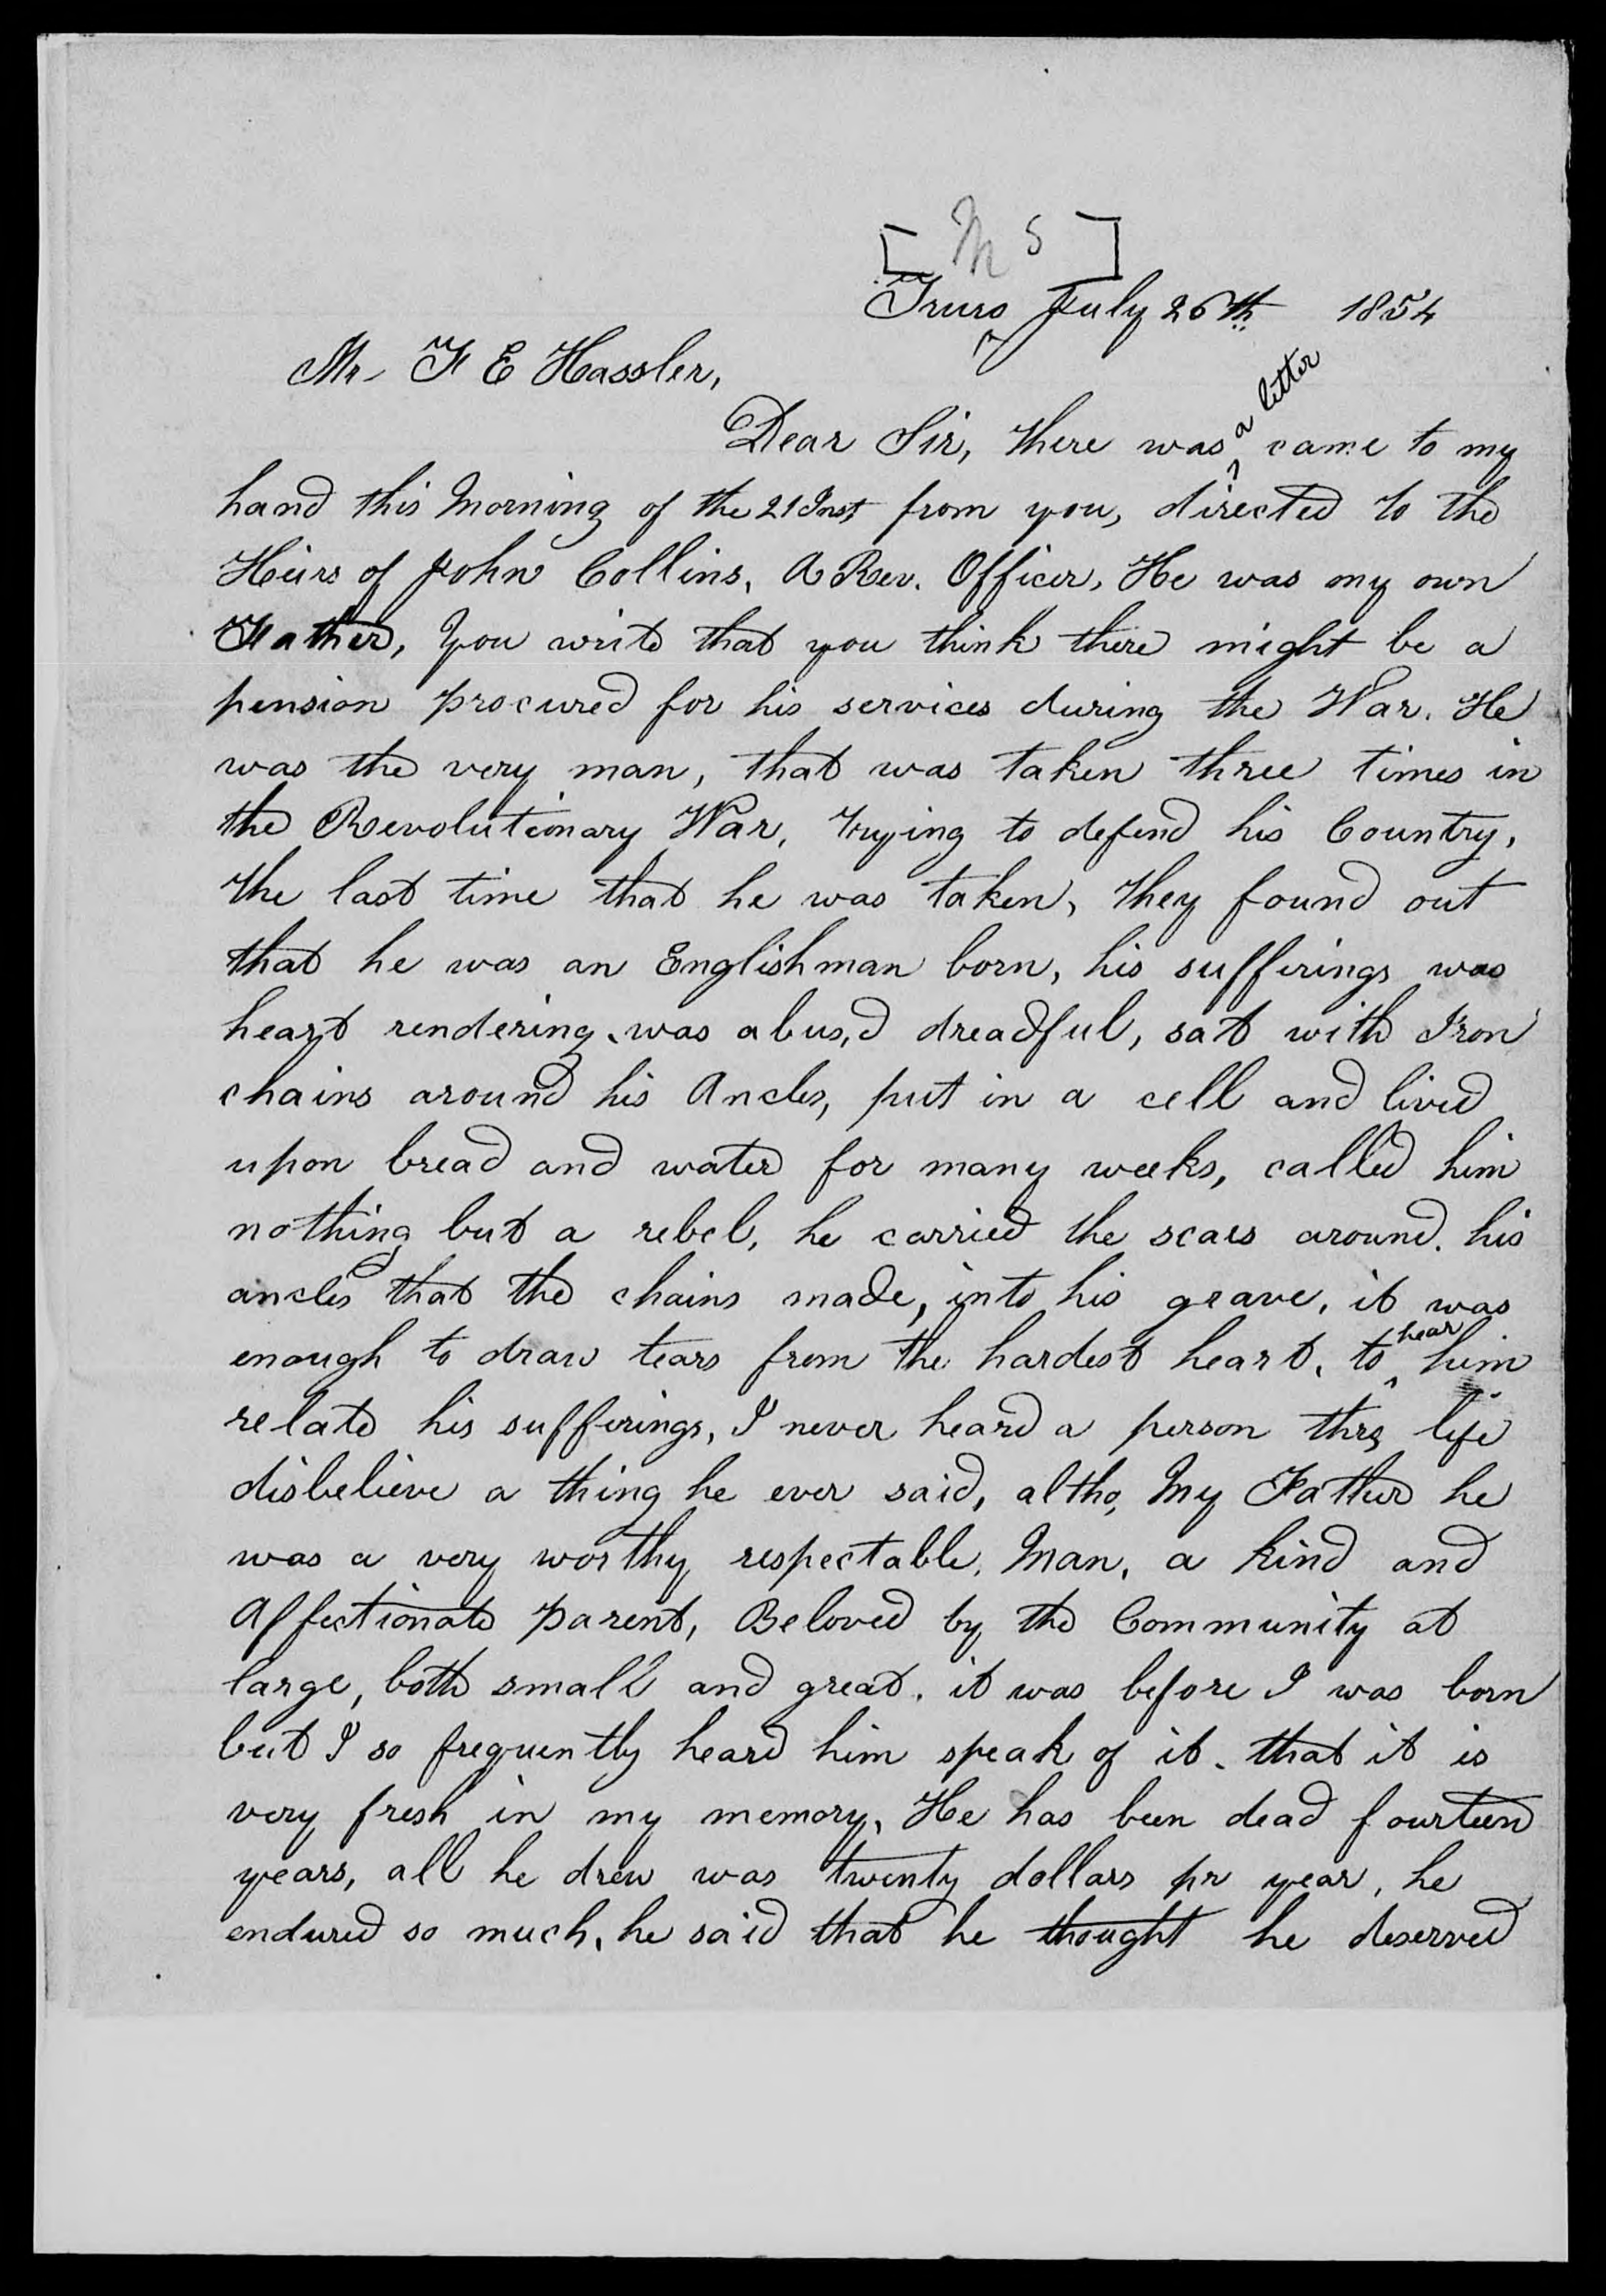[Ms]  Truro July 16th 1854
Mr. F E Hassler

Dear Sir, there was a letter came to my hand this morning of the 21 inst from you, directed to the Heirs of John Collins, A Rev. Officer, He was my own Father, You write that you think there might be a pension procured for his services during the War, He was the very man, that was taken three times in the Revolutionary War. Trying to defend his country, the last time that he was taken, they found out that he was an Englishman born, his sufferings was heart rendering, was abused, dreadful, sat with Iron chains around his ancles, put in a cell and lived upon bread and water for many weeks, called him nothing but a rebel, he carried the scars around his ancles that the chains made, into his grave, it was enough to draw tears from the hardest heart to hear him relate his sufferings, I never heard a person this life disbelieve a thing he ever said, altho my Father he was a very worthy respectable man, a kind and affectionate parent, Beloved by the Community at large, both small and great, it was before I was born but I so frequently heard him speak of it that it is very fresh in my memory. He has been dead fourteen years, all he drew was twenty dollars per year, he endured so much, he said that he thought he deserved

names: John Collins, F E Hassler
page: 11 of 43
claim: survivor's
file: S. 29,732, John Collins, Mass. Navy